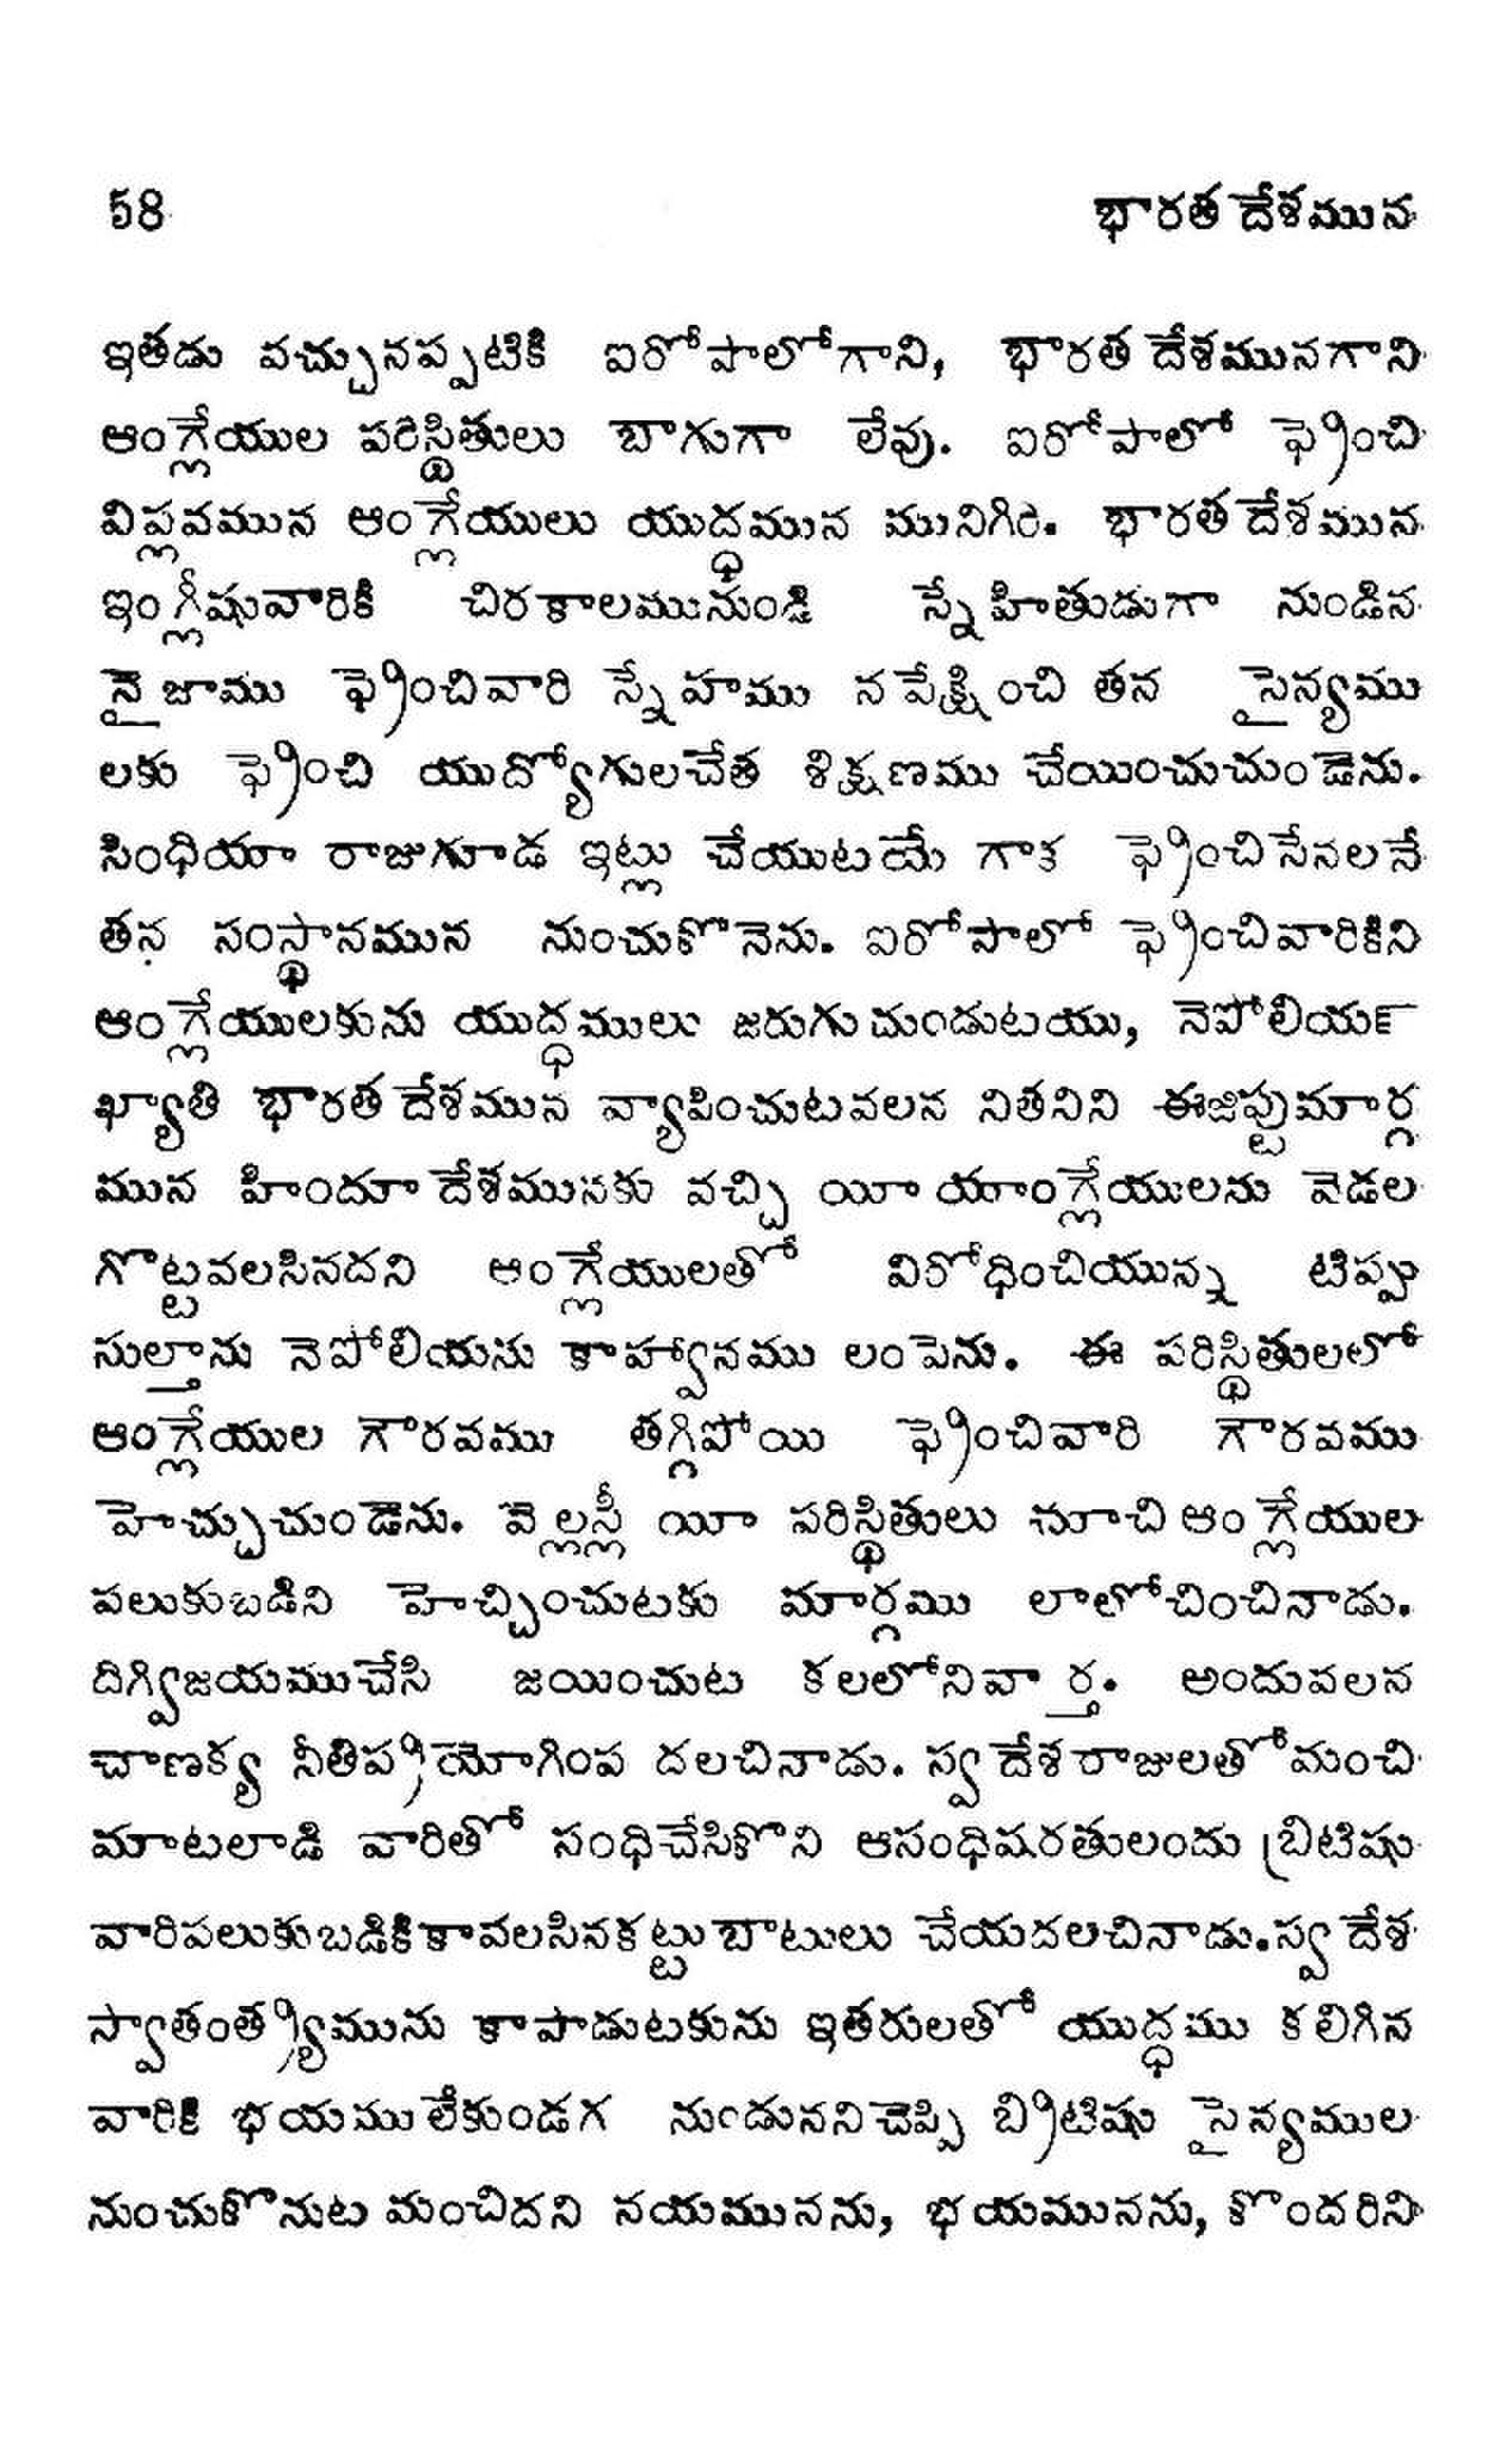ఇతడు వచ్చునప్పటికి ఐరోపాలోగాని, భారతదేశమునగాని ఆంగ్లేయుల పరిస్థితులు బాగుగా లేవు. ఐరోపాలో ఫ్రెంచి విప్లవమున ఆంగ్లేయులు యుద్ధమున మునిగిరి. భారతదేశమున ఇంగ్లీషువారికి చిరకాలమునుండి స్నేహితుడుగా నుండిన నైజాము ఫ్రెంచివారి స్నేహము నపేక్షించి తన సైన్యములకు ఫ్రెంచి యుద్యోగులచేత శిక్షణము చేయించుచుండెను. సింధియా రాజుగూడ ఇట్లు చేయుటయే గాక ఫ్రెంచిసేనలనే తన సంస్థానమున నుంచుకొనెను. ఐరోపాలో ఫ్రెంచివారికిని ఆంగ్లేయులకును యుద్ధములు జరుగుచుండుటయు, నెపోలియ౯ ఖ్యాతి భారతదేశమున వ్యాపించుటవలన నితనిని ఈజిప్టుమార్గమున హిందూ దేశమునకు వచ్చి యీ యాంగ్లేయులను వెడలగొట్టవలసినదని ఆంగ్లేయులతో విరోధించియున్న టిప్పుసుల్తాను నెపోలియసు కాహ్వానము లంపెను. ఈ పరిస్థితులలో ఆంగ్లేయుల గౌరవము తగ్గిపోయి ఫ్రెంచివారి గౌరవము హెచ్చుచుండెను. వెల్లస్లీ యీ పరిస్థితులు చూచి ఆంగ్లేయుల పలుకుబడిని హెచ్చించుటకు మార్గము లాలోచించినాడు. దిగ్విజయముచేసి జయించుట కలలోనివార్త. అందువలన చాణక్య నీతిప్రయోగింప దలచినాడు. స్వదేశరాజులతోమంచి మాటలాడి వారితో సంధిచేసికొని ఆసంధిషరతులందు బ్రిటిషు వారిపలుకుబడికి కావలసినకట్టుబాటులు చేయదలచినాడు.స్వదేశ స్వాతంత్ర్యమును కాపాడుటకును ఇతరులతో యుద్ధము కలిగిన వారికి భయములేకుండగ నుఁడుననిచెప్పి బ్రిటిషు సైన్యముల నుంచుకొనుట మంచిదని నయమునను, భయమునను, కొందరిని